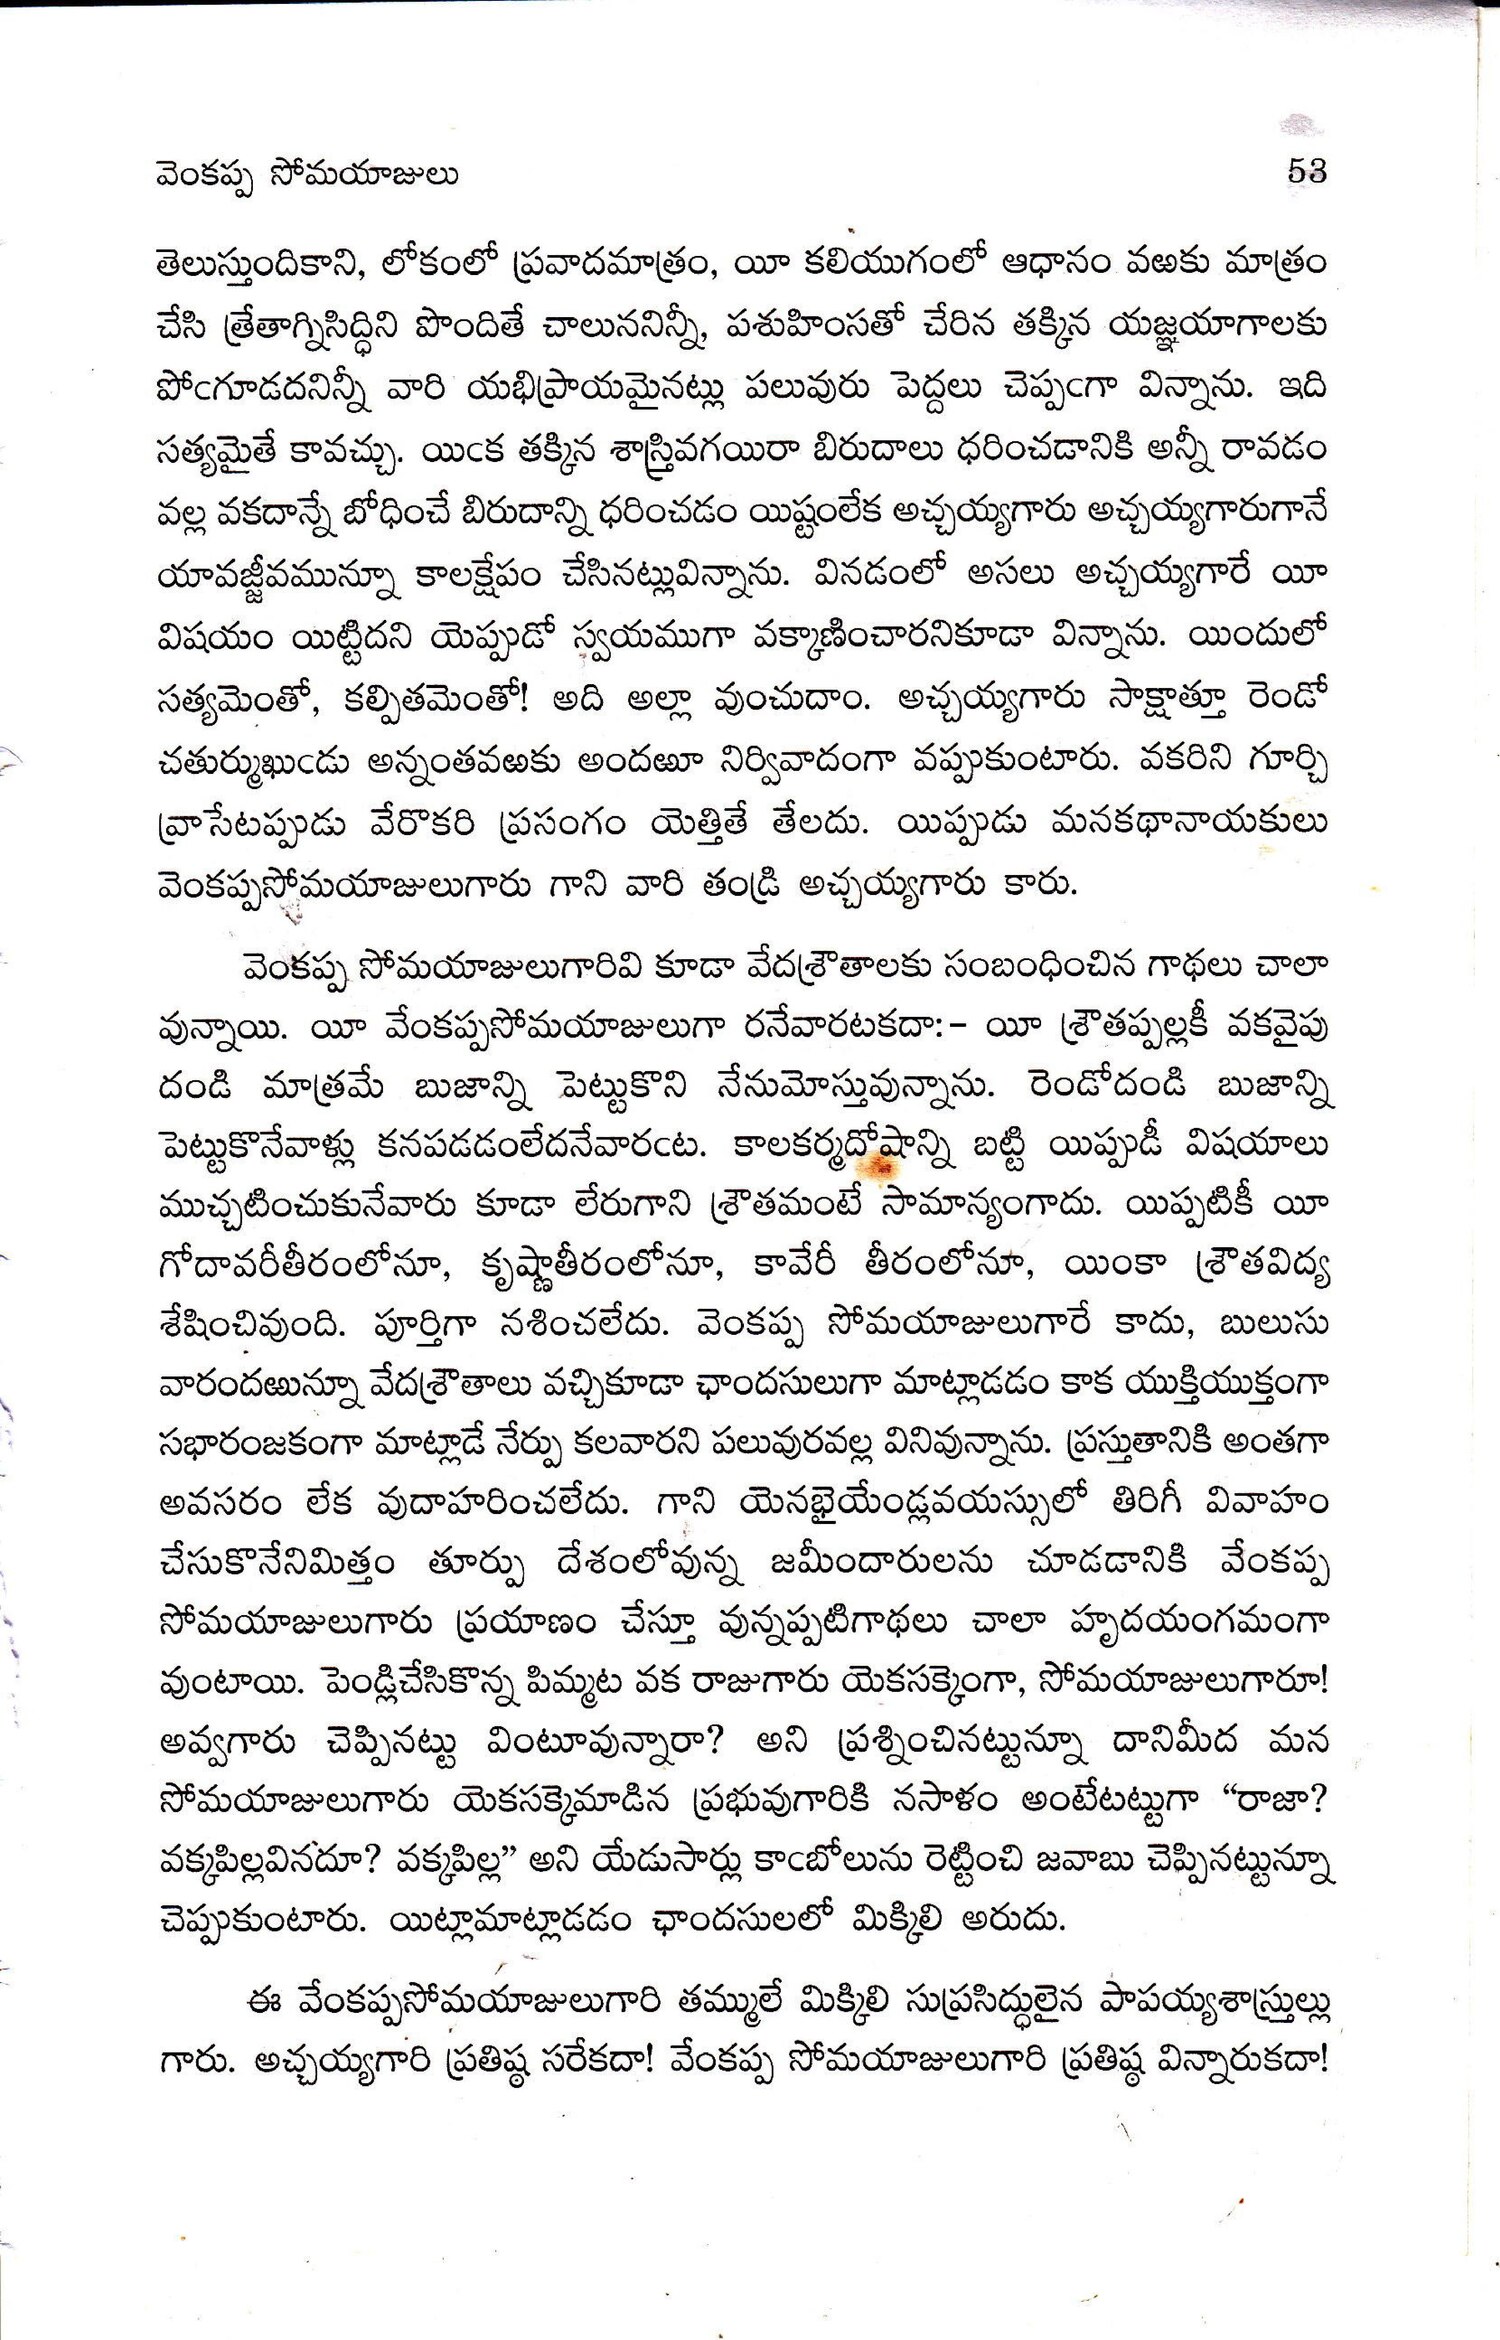తెలుస్తుందికాని, లోకంలో ప్రవాదమాత్రం, యీ కలియుగంలో ఆధానం వఱకు మాత్రం చేసి త్రేతాగిసిద్ధిని పొందితే చాలుననిన్నీ పశుహింసతో చేరిన తక్కిన యజ్ఞయాగాలకు పోంగూడదనిన్నీ వారి యభిప్రాయమైనట్లు పలువురు పెద్దలు చెప్పంగా విన్నాను. ఇది సత్యమైతే కావచ్చు. యింక తక్కిన శాస్త్రివగయిరా బిరుదాలు ధరించడానికి అన్నీ రావడం వల్ల వకదాన్నే బోధించే బిరుదాన్ని ధరించడం యిష్టంలేక అచ్చయ్యగారు అచ్చయ్యగారుగానే యావజ్జీవమున్నూ కాలక్షేపం చేసినట్లువిన్నాను. వినడంలో అసలు అచ్చయ్యగారే యీ విషయం యిట్టిదని యెప్పుడో స్వయముగా వక్కాణించారనికూడా విన్నాను. యిందులో సత్యమెంతో, కల్పితమెంతో! అది అల్లా వుంచుదాం. అచ్చయ్యగారు సాక్షాత్తూ రెండో చతుర్ముఖుండు అన్నంతవఱకు అందఱూ నిర్వివాదంగా వప్పకుంటారు. వకరిని గూర్చి వ్రాసేటప్పుడు వేరొకరి ప్రసంగం యెత్తితే తేలదు. యిప్పడు మనకథానాయకులు వెంకప్పసోమయాజులుగారు గాని వారి తండ్రి అచ్చయ్యగారు కారు.

వెంకప్ప సోమయాజులుగారివి కూడా వేదశ్రాతాలకు సంబంధించిన గాథలు చాలా వున్నాయి. యీ వేంకప్పసోమయాజులుగా రనేవారటకదా:- యీ శ్రాతప్పల్లకీ వకవైపు దండి మాత్రమే బుజాన్ని పెట్టుకొని నేను మోస్తువున్నాను. రెండోదండి బుజాన్ని పెట్టుకొనేవాళ్లు కనపడడంలేదనేవారంట. కాలకర్మదోషాన్ని బట్టి యిప్పడీ విషయాలు ముచ్చటించుకునేవారు కూడా లేరుగాని శ్రాతమంటే సామాన్యంగాదు. యిప్పటికీ యీ గోదావరీతీరంలోనూ, కృష్ణాతీరంలోనూ, కావేరీ తీరంలోనూ, యింకా శ్రాతవిద్య శేషించివుంది. పూర్తిగా నశించలేదు. వెంకప్ప సోమయాజులుగారే కాదు, బులుసు వారందఱున్నూ వేదశ్రాతాలు వచ్చికూడా ఛాందసులుగా మాట్లాడడం కాక యుక్తియుక్తంగా సభారంజకంగా మాట్లాడే నేర్పు కలవారని పలువురవల్ల వినివున్నాను. ప్రస్తుతానికి అంతగా అవసరం లేక వుదాహరించలేదు. గాని యెనభైయేండ్లవయస్సులో తిరిగీ వివాహం చేసుకొనేనిమిత్తం తూర్పు దేశంలోవున్న జమీందారులను చూడడానికి వేంకప్ప సోమయాజులుగారు ప్రయాణం చేస్తూ వున్నప్పటిగాథలు చాలా హృదయంగమంగా వుంటాయి. పెండ్లిచేసికొన్న పిమ్మట వక రాజుగారు యొకసక్కెంగా, సోమయాజులుగారూ! అవ్వగారు చెప్పినట్టు వింటూవున్నారా? అని ప్రశ్నించినట్టున్నూ దానిమీద మన సోమయాజులుగారు యొకసక్కెమాడిన ప్రభువుగారికి నసాళం అంటేటట్టుగా “రాeూ? వక్కపిల్లవినదూ? వక్కపిల్ల" అని యేడుసార్లు కాంబోలును రెట్టించి జవాబు చెప్పినట్టున్నూ చెప్పకుంటారు. యిట్లామాట్లాడడం ఛాందసులలో మిక్కిలి అరుదు.

ఈ వేంకప్పసోమయాజులుగారి తమ్ములే మిక్కిలి సుప్రసిద్దులైన పాపయ్యశాస్రుల్లు గారు. అచ్చయ్యగారి ప్రతిష్ట సరేకదా! వేంకప్ప సోమయాజులుగారి ప్రతిష్ట విన్నారుకదా!
\